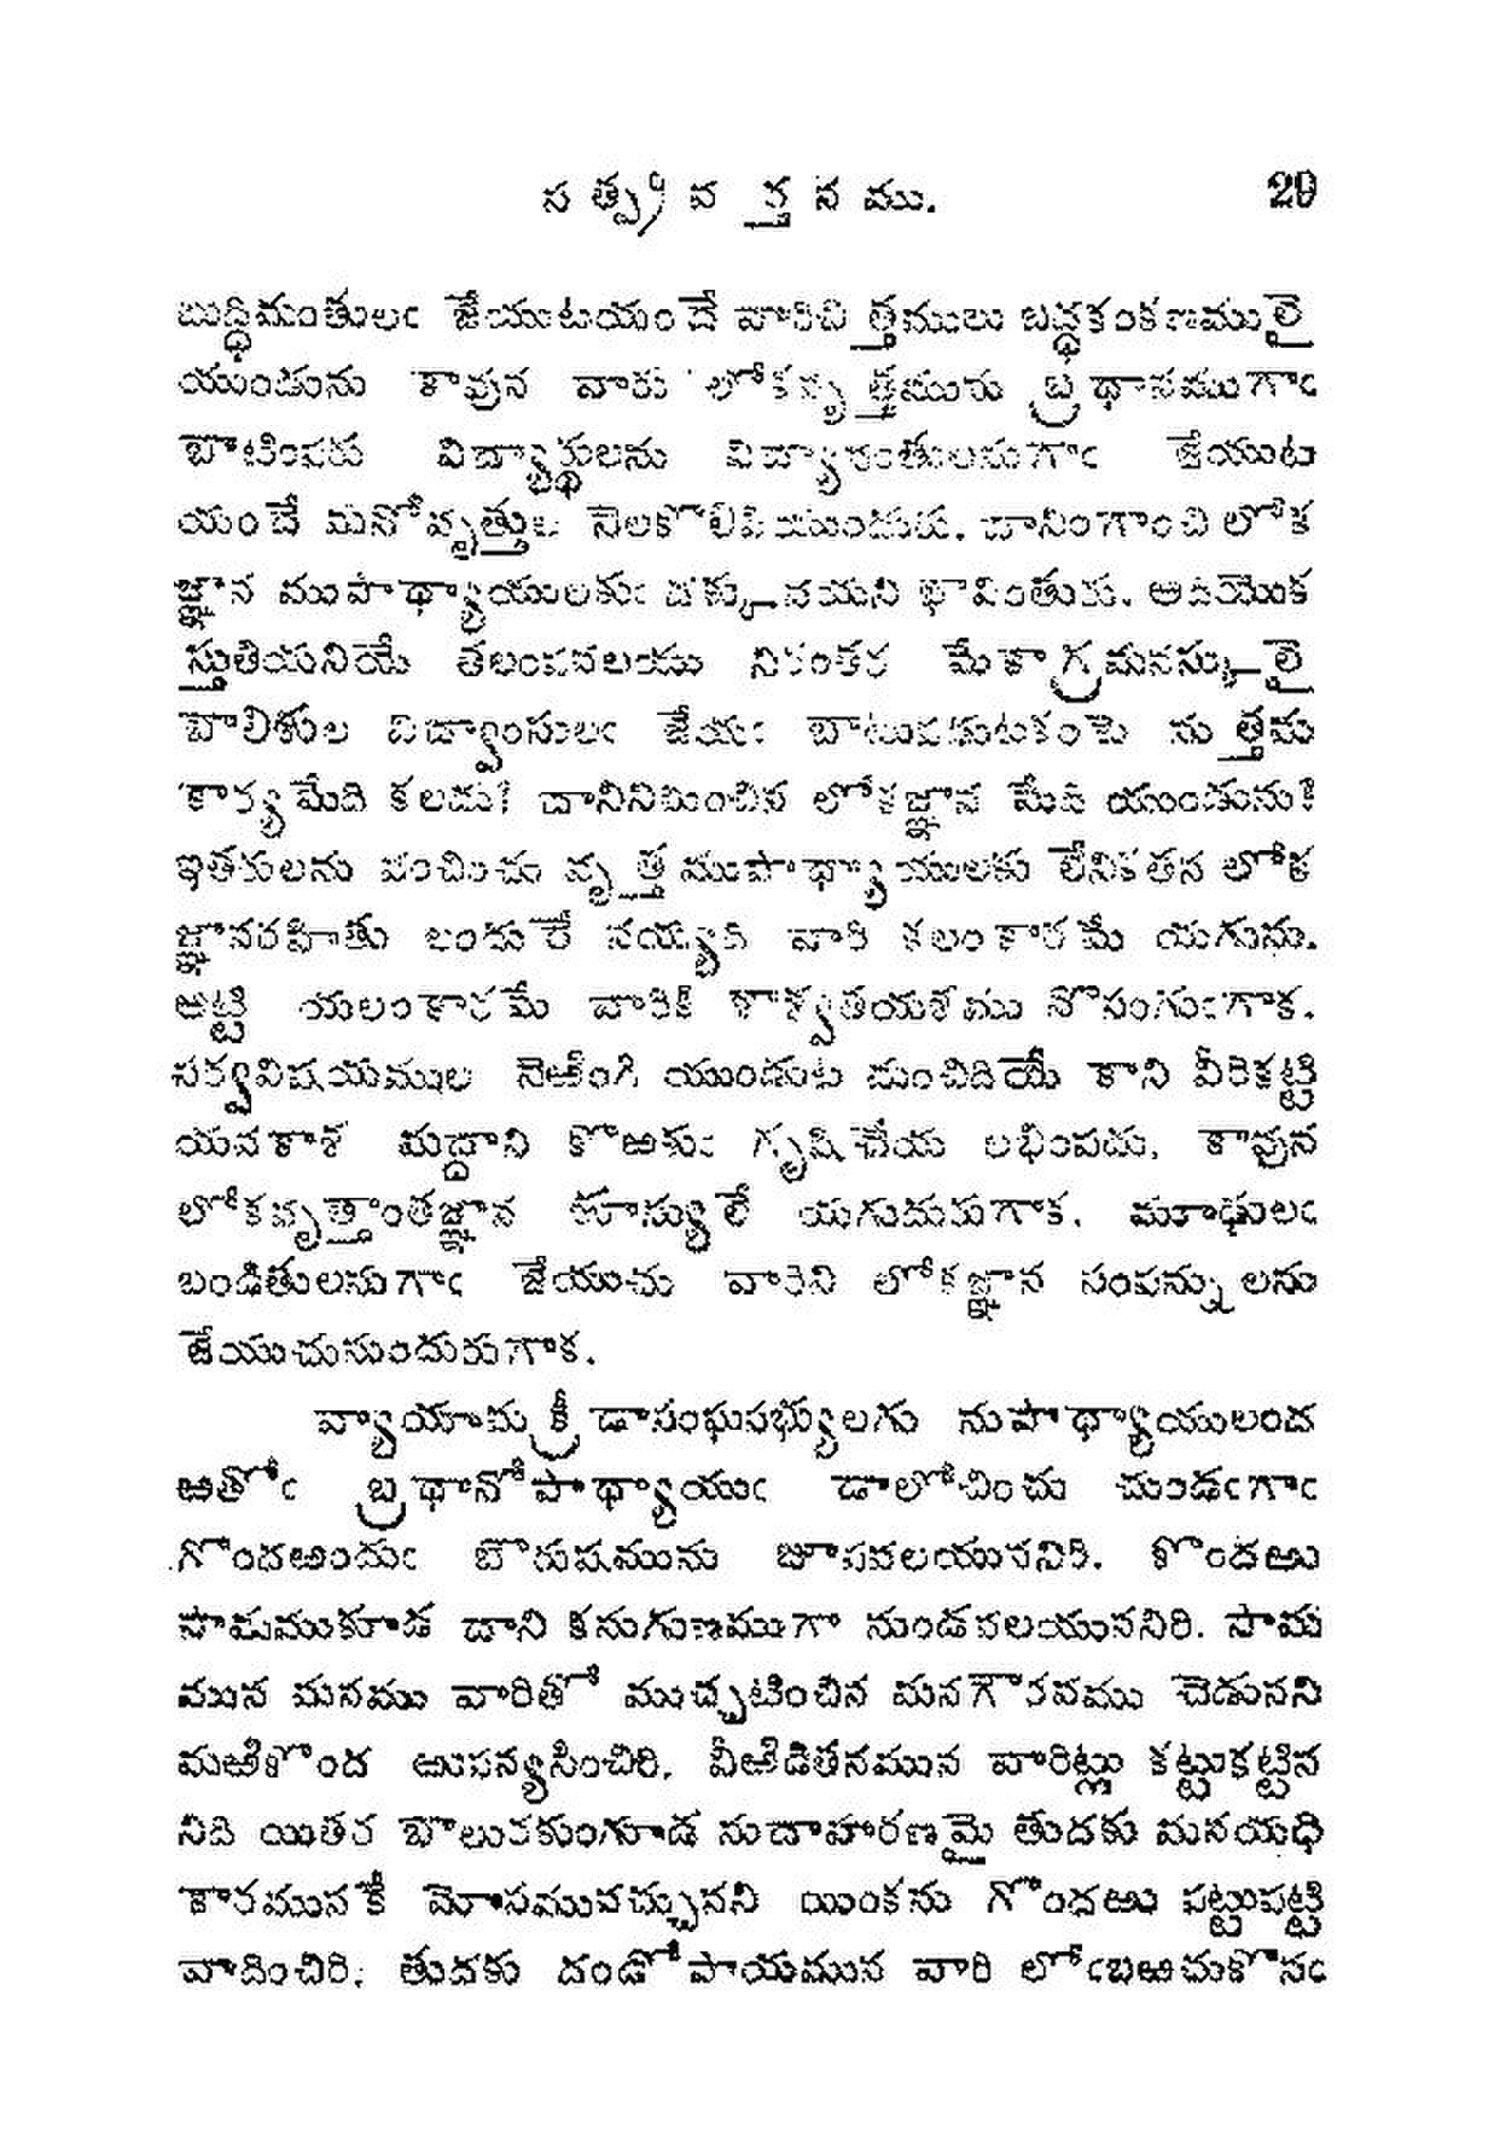బుద్ధిమంతులఁ జేయుటయందే వారిచిత్తములు బద్ధకంకములై యుండును కావున వారు లోకప్రవృత్తమును ప్రధానముగాఁ బాటింటింపరు. విద్యార్థులను విద్యావంతులుగా చేయుట యంచే మనోవృత్తులల నెలకొనియందరు దానింగాంచి లోక జ్ఞాన ముపాధ్యాయులకు దక్కుననియున భావింతురు. అవియొక స్తుతియనియేతలంకవలయు నిరంతర మేకాగ్ర మనస్కులై బాలికుల విద్యాంసుల జేయ: బాటుపడుటకంటేనుత్తమ 'కార్య మేది కలదు. చానీని మించిన లోకజ్ఞాన మేది యుండును? ఇతరులను కుంచించు నృత్తముషాధ్యయులకు లేని తన లోక జనరహితు లందురే నయ్యదివారి కలంకారమే యగును. అట్టి యలంకారమే వారికి గాన తయశము నొసంగు: గౌక, సర్వవిషయముల నెంగి యుండ్సు మంచిదియే కాని వీరికట్టి యవకాశ ముద్దాని కోఱకు: గృషి చేయ లభింపరు, కావున లోక వృత్తాంతజ్ఞాన శూన్యులే యగుదురు గాక , మూడులు బండితులను గాఁ జేయుచు వాని లోకజ్ఞాన సంపన్నులను జేయుచుముందురు గాక. 

వ్యాయామ క్రీ.డాసంఘసభ్యులగు నుపాధ్యాయులందఱతో బ్రధానోపాధ్యాయుఁ డాలోచించు చుండఁగాఁ గొందఱందుఁ బొరుషమును జూపగవలయునని. కొందఱు సామముకూడ దాని కనుగుణముగా నుండవలయుననిరి. సామమున మనము వారితో ముచ్చటించిన మన గౌరవము చెడునని మఱికొందబుసన్యసించిరి, వీరికితనమున వారిట్లు కట్టుకట్టిన నిది యితర ఖాలుకకుంగూడ నుదాహరణమై తుదకు మనయధి భారమునకే మోసమువచ్చునని యింకను గొందఱు పట్టుపట్టి వాదించిరి, తుదకు దండోపాయమున వారి లోఁబఱచుకొసం